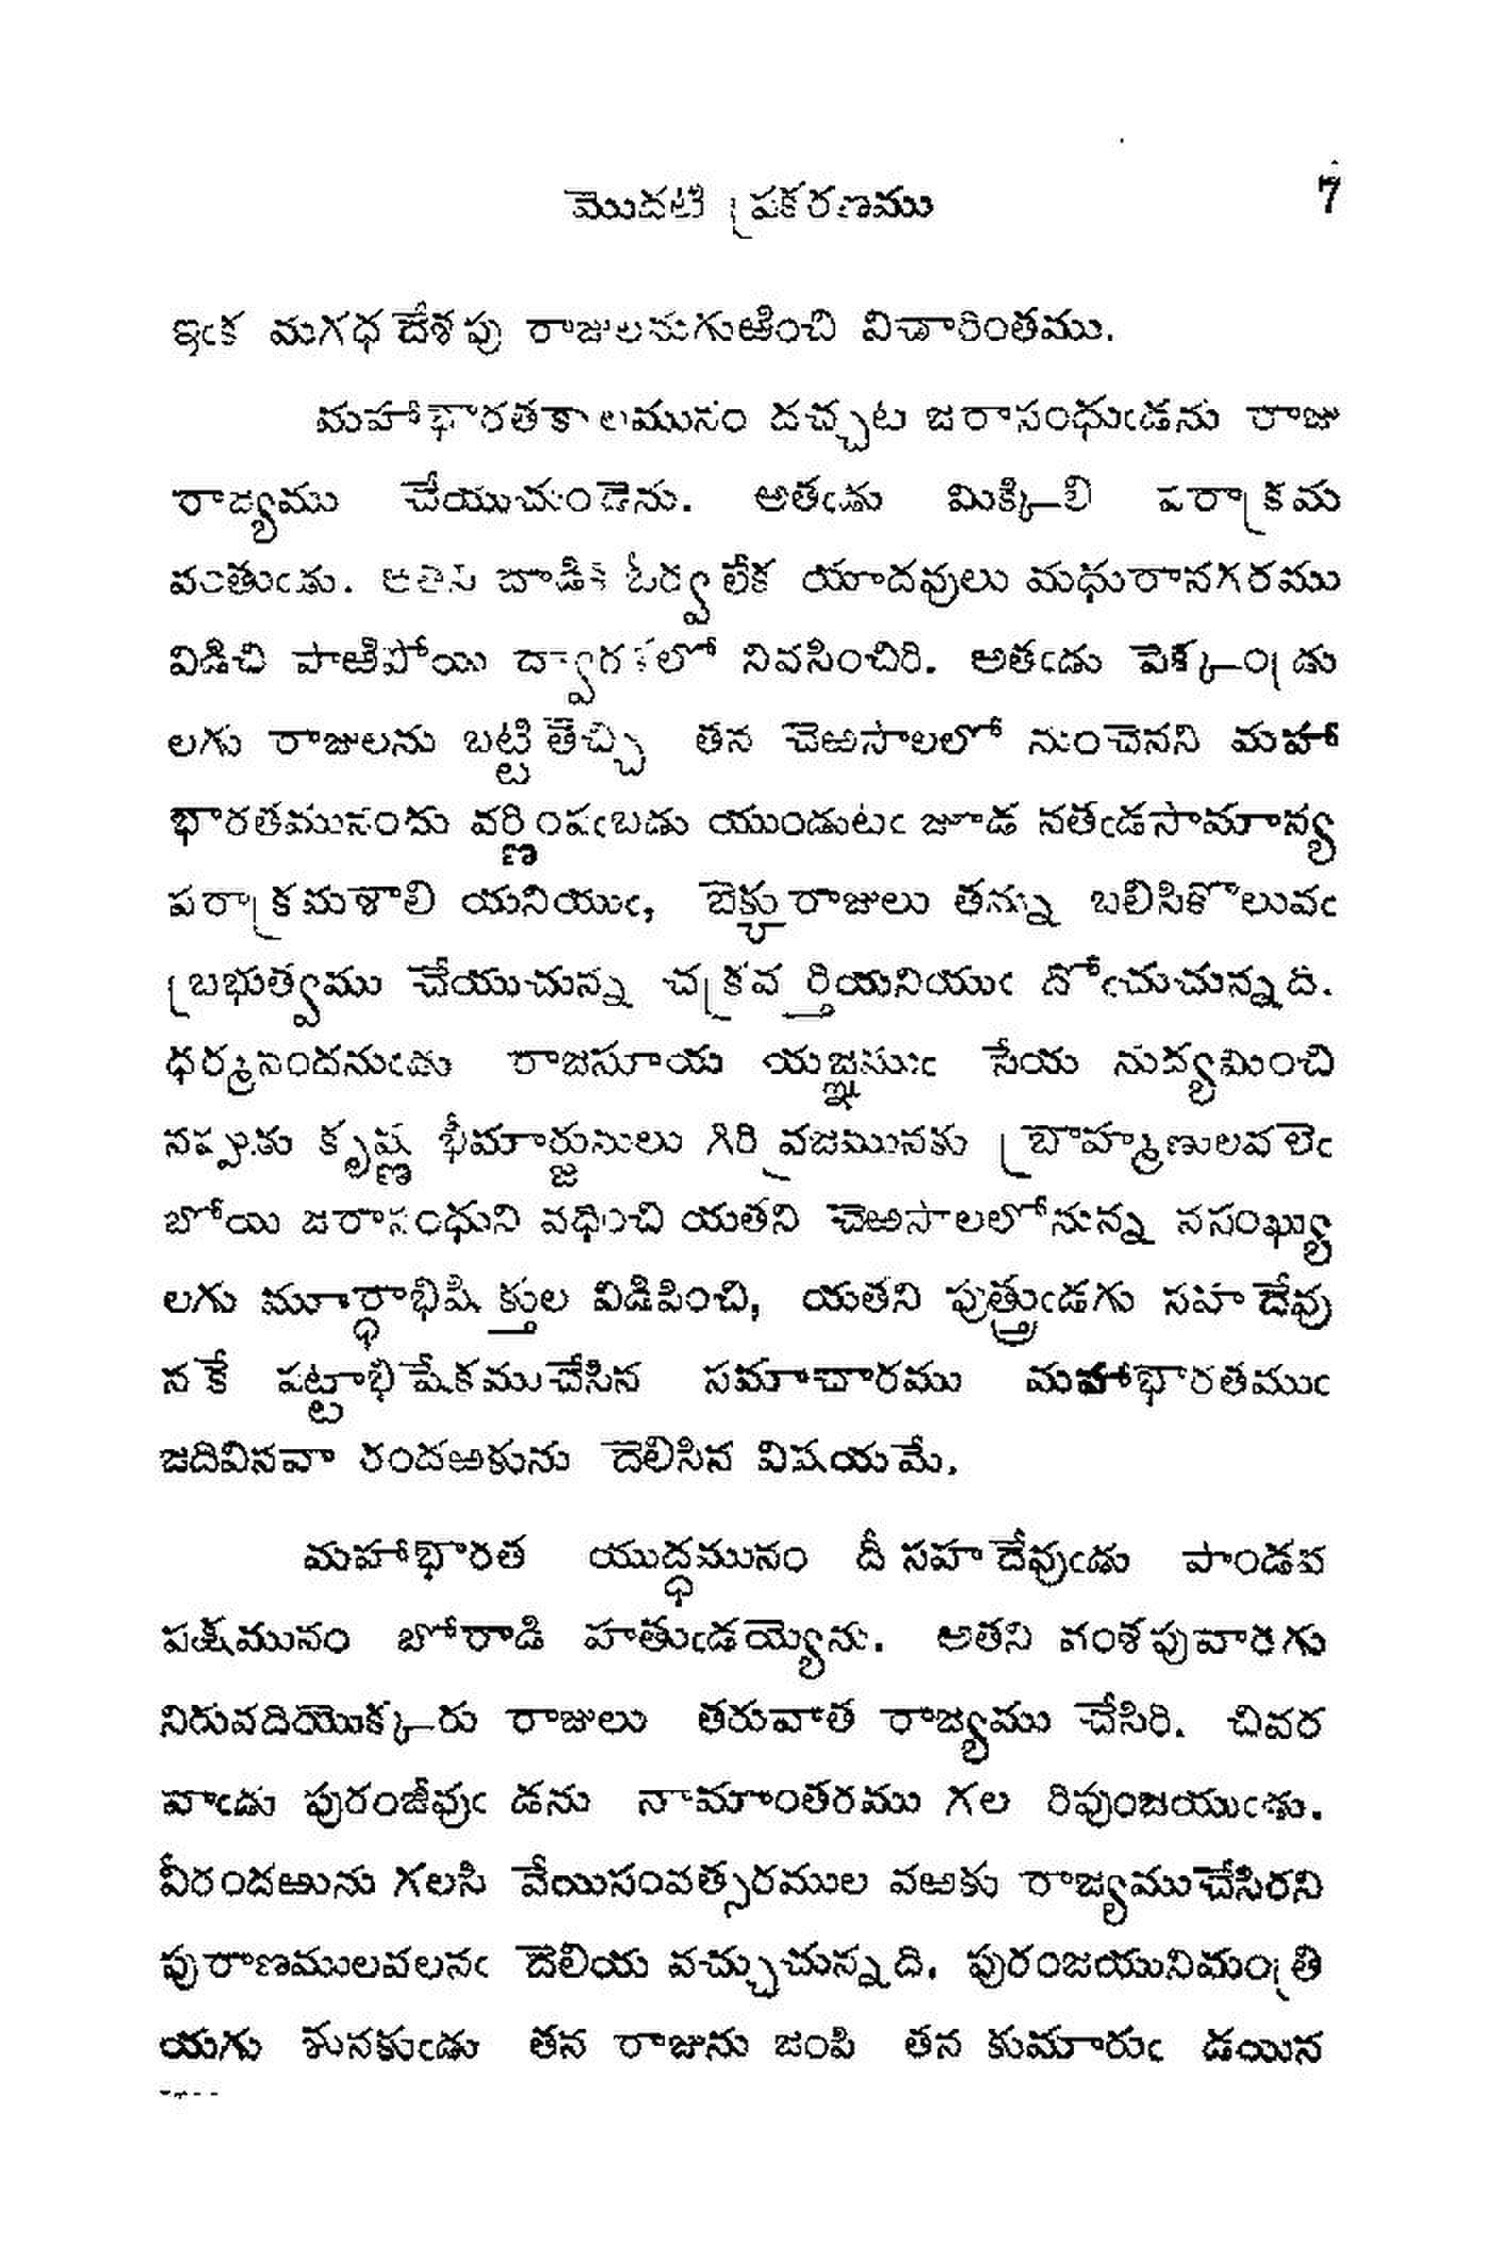ఇఁక మగధదేశపు రాజులనుగుఱించి విచారింతము.

మహాభారతకాలమునం దచ్చట జరాసంధుఁడను రాజు రాజ్యము చేయుచుండెను. అతఁడు మిక్కిలి పరాక్రమవంతుఁడు. ఆతని దాడికి ఓర్వలేక యాదవులు మధురానగరము విడిచి పాఱిపోయి ద్వారకలో నివసించిరి. అతఁడు పెక్కండ్రులగు రాజులను బట్టితెచ్చి తన చెఱసాలలో నుంచెనని మహాభారతమునందు వర్ణింపఁబడు యుండుటఁ జూడ నతఁడసామాన్య పరాక్రమశాలి యనియుఁ, బెక్కురాజులు తన్ను బలిసికొలువఁ బ్రభుత్వము చేయుచున్న చక్రవర్తియనియుఁ దోఁచుచున్నది. ధర్మనందనుఁడు రాజసూయ యజ్ఞముఁ సేయ నుద్యమించినప్పుడు కృష్ణ భీమార్జునులు గిరివ్రజమునకు బ్రాహ్మణులవలెఁ బోయి జరాసంధుని వధించి యతని చెఱసాలలోనున్న నసంఖ్యులగు మూర్ధాభిషిక్తుల విడిపించి, యతని పుత్త్రుఁడగు సహదేవునకే పట్టాభిషేకముచేసిన సమాచారము మహాభారతముఁ జదివినవా రందఱకును దెలిసిన విషయమే.

మహాభారత యుద్ధమునం దీ సహదేవుఁడు పాండవపక్షమునం బోరాడి హతుఁడయ్యెను. అతని వంశపువారగు నిరువదియొక్కరు రాజులు తరువాత రాజ్యము చేసిరి. చివరవాఁడు పురంజీవుఁ డను నామాంతరము గల రిపుంజయుఁడు. వీరందఱును గలసి వేయిసంవత్సరముల వఱకు రాజ్యముచేసిరని పురాణమువలనఁ దెలియ వచ్చుచున్నది. పురంజయునిమంత్రియగు శునకుఁడు తన రాజును జంపి తన కుమారుఁ డయిన